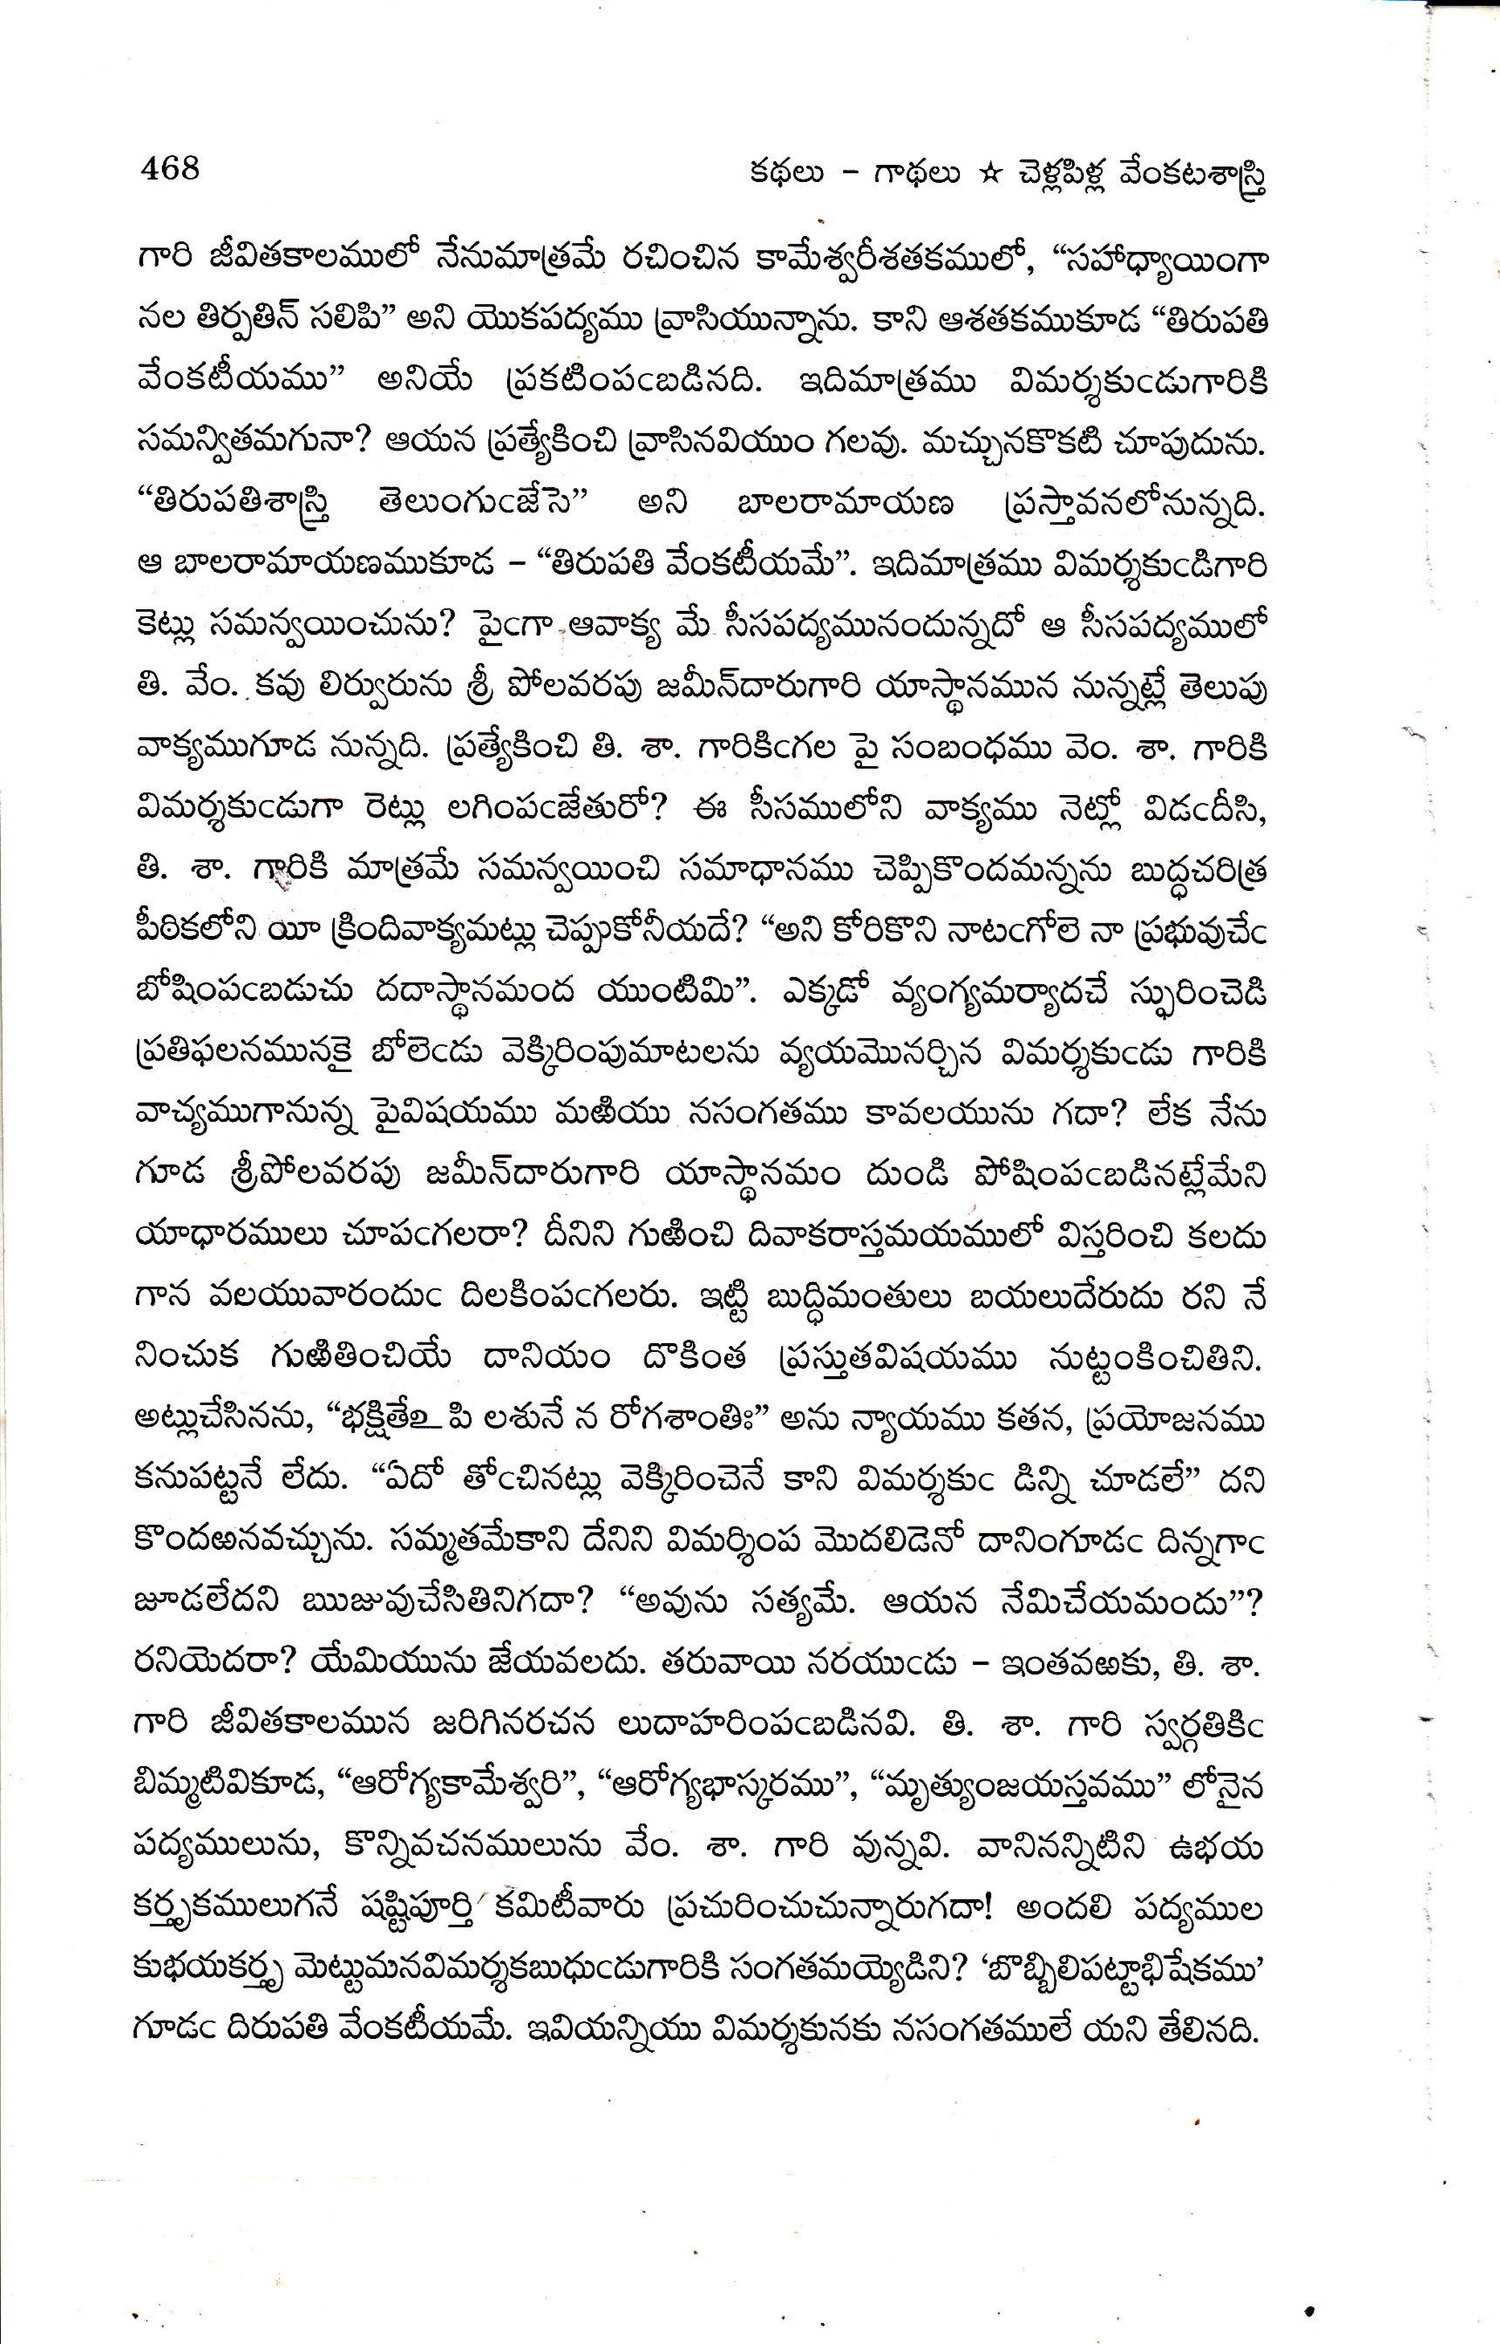గారి జీవితకాలములో నేనుమాత్రమే రచించిన కామేశ్వరీశతకములో, “సహాధ్యాయింగా నల తిర్పతిన్ సలిపి" అని యొకపద్యము వ్రాసియున్నాను. కాని ఆశతకముకూడ "తిరుపతి వేంకటీయము" అనియే ప్రకటింపఁబడినది. ఇదిమాత్రము విమర్శకుఁడుగారికి సమన్వితమగునా? ఆయన ప్రత్యేకించి వ్రాసినవియుం గలవు. మచ్చునకొకటి చూపుదును. "తిరుపతిశాస్త్రి తెలుంగుఁజేసె" అని బాలరామాయణ ప్రస్తావనలోనున్నది. ఆ బాలరామాయణముకూడ - "తిరుపతి వేంకటీయమే". ఇదిమాత్రము విమర్శకుఁడిగారి కెట్లు సమన్వయించును? పైఁగా ఆవాక్య మే సీసపద్యమునందున్నదో ఆ సీసపద్యములో తి. వేం. కవు లిర్వురును శ్రీ పోలవరపు జమీన్‌దారుగారి యాస్థానమున నున్నట్లే తెలుపు వాక్యముగూడ నున్నది. ప్రత్యేకించి తి. శా. గారికిఁగల పై సంబంధము వెం. శా. గారికి విమర్శకుఁడుగా రెట్లు లగింపఁజేతురో? ఈ సీసములోని వాక్యము నెట్లో విడఁదీసి, తి. శా. గారికి మాత్రమే సమన్వయించి సమాధానము చెప్పికొందమన్నను బుద్ధచరిత్ర పీఠికలోని యీ క్రిందివాక్యమట్లు చెప్పుకోనీయదే? “అని కోరికొని నాటఁగోలె నా ప్రభువుచేఁ బోషింపఁబడుచు దదాస్థానమంద యుంటిమి". ఎక్కడో వ్యంగ్యమర్యాదచే స్ఫురించెడి ప్రతిఫలనమునకై బోలెఁడు వెక్కిరింపుమాటలను వ్యయమొనర్చిన విమర్శకుఁడు గారికి వాచ్యముగానున్న పైవిషయము మఱియు నసంగతము కావలయును గదా? లేక నేను గూడ శ్రీపోలవరపు జమీన్‌దారుగారి యాస్థానమం దుండి పోషింపఁబడినట్లేమేని యాధారములు చూపఁగలరా? దీనిని గుఱించి దివాకరాస్తమయములో విస్తరించి కలదు గాన వలయువారందుఁ దిలకింపఁగలరు. ఇట్టి బుద్ధిమంతులు బయలుదేరుదు రని నే నించుక గుఱితించియే దానియం దొకింత ప్రస్తుతవిషయము నుట్టంకించితిని. అట్లుచేసినను, "భక్షితే౽పి లశునే న రోగశాంతిః" అను న్యాయము కతన, ప్రయోజనము కనుపట్టనే లేదు. "ఏదో తోఁచినట్లు వెక్కిరించెనే కాని విమర్శకుఁ డిన్ని చూడలే” దని కొందఱనవచ్చును. సమ్మతమేకాని దేనిని విమర్శింప మొదలిడెనో దానింగూడఁ దిన్నగాఁ జూడలేదని ఋజువుచేసితినిగదా? “అవును సత్యమే. ఆయన నేమిచేయమందు"? రనియెదరా? యేమియును జేయవలదు. తరువాయి నరయుఁడు - ఇంతవఱకు, తి. శా. గారి జీవితకాలమున జరిగినరచన లుదాహరింపఁబడినవి. తి. శా. గారి స్వర్గతికిఁ బిమ్మటివికూడ, “ఆరోగ్యకామేశ్వరి”, “ఆరోగ్యభాస్కరము", "మృత్యుంజయస్తవము" లోనైన పద్యములును, కొన్నివచనములును వేం. శా. గారి వున్నవి. వానినన్నిటిని ఉభయ కర్తృకములుగనే షష్టిపూర్తి కమిటీవారు ప్రచురించుచున్నారుగదా! అందలి పద్యముల కుభయకర్తృ మెట్టుమనవిమర్శకబుధుఁడుగారికి సంగతమయ్యెడిని? 'బొబ్బిలిపట్టాభిషేకము' గూడఁ దిరుపతి వేంకటీయమే. ఇవియన్నియు విమర్శకునకు నసంగతములే యని తేలినది.